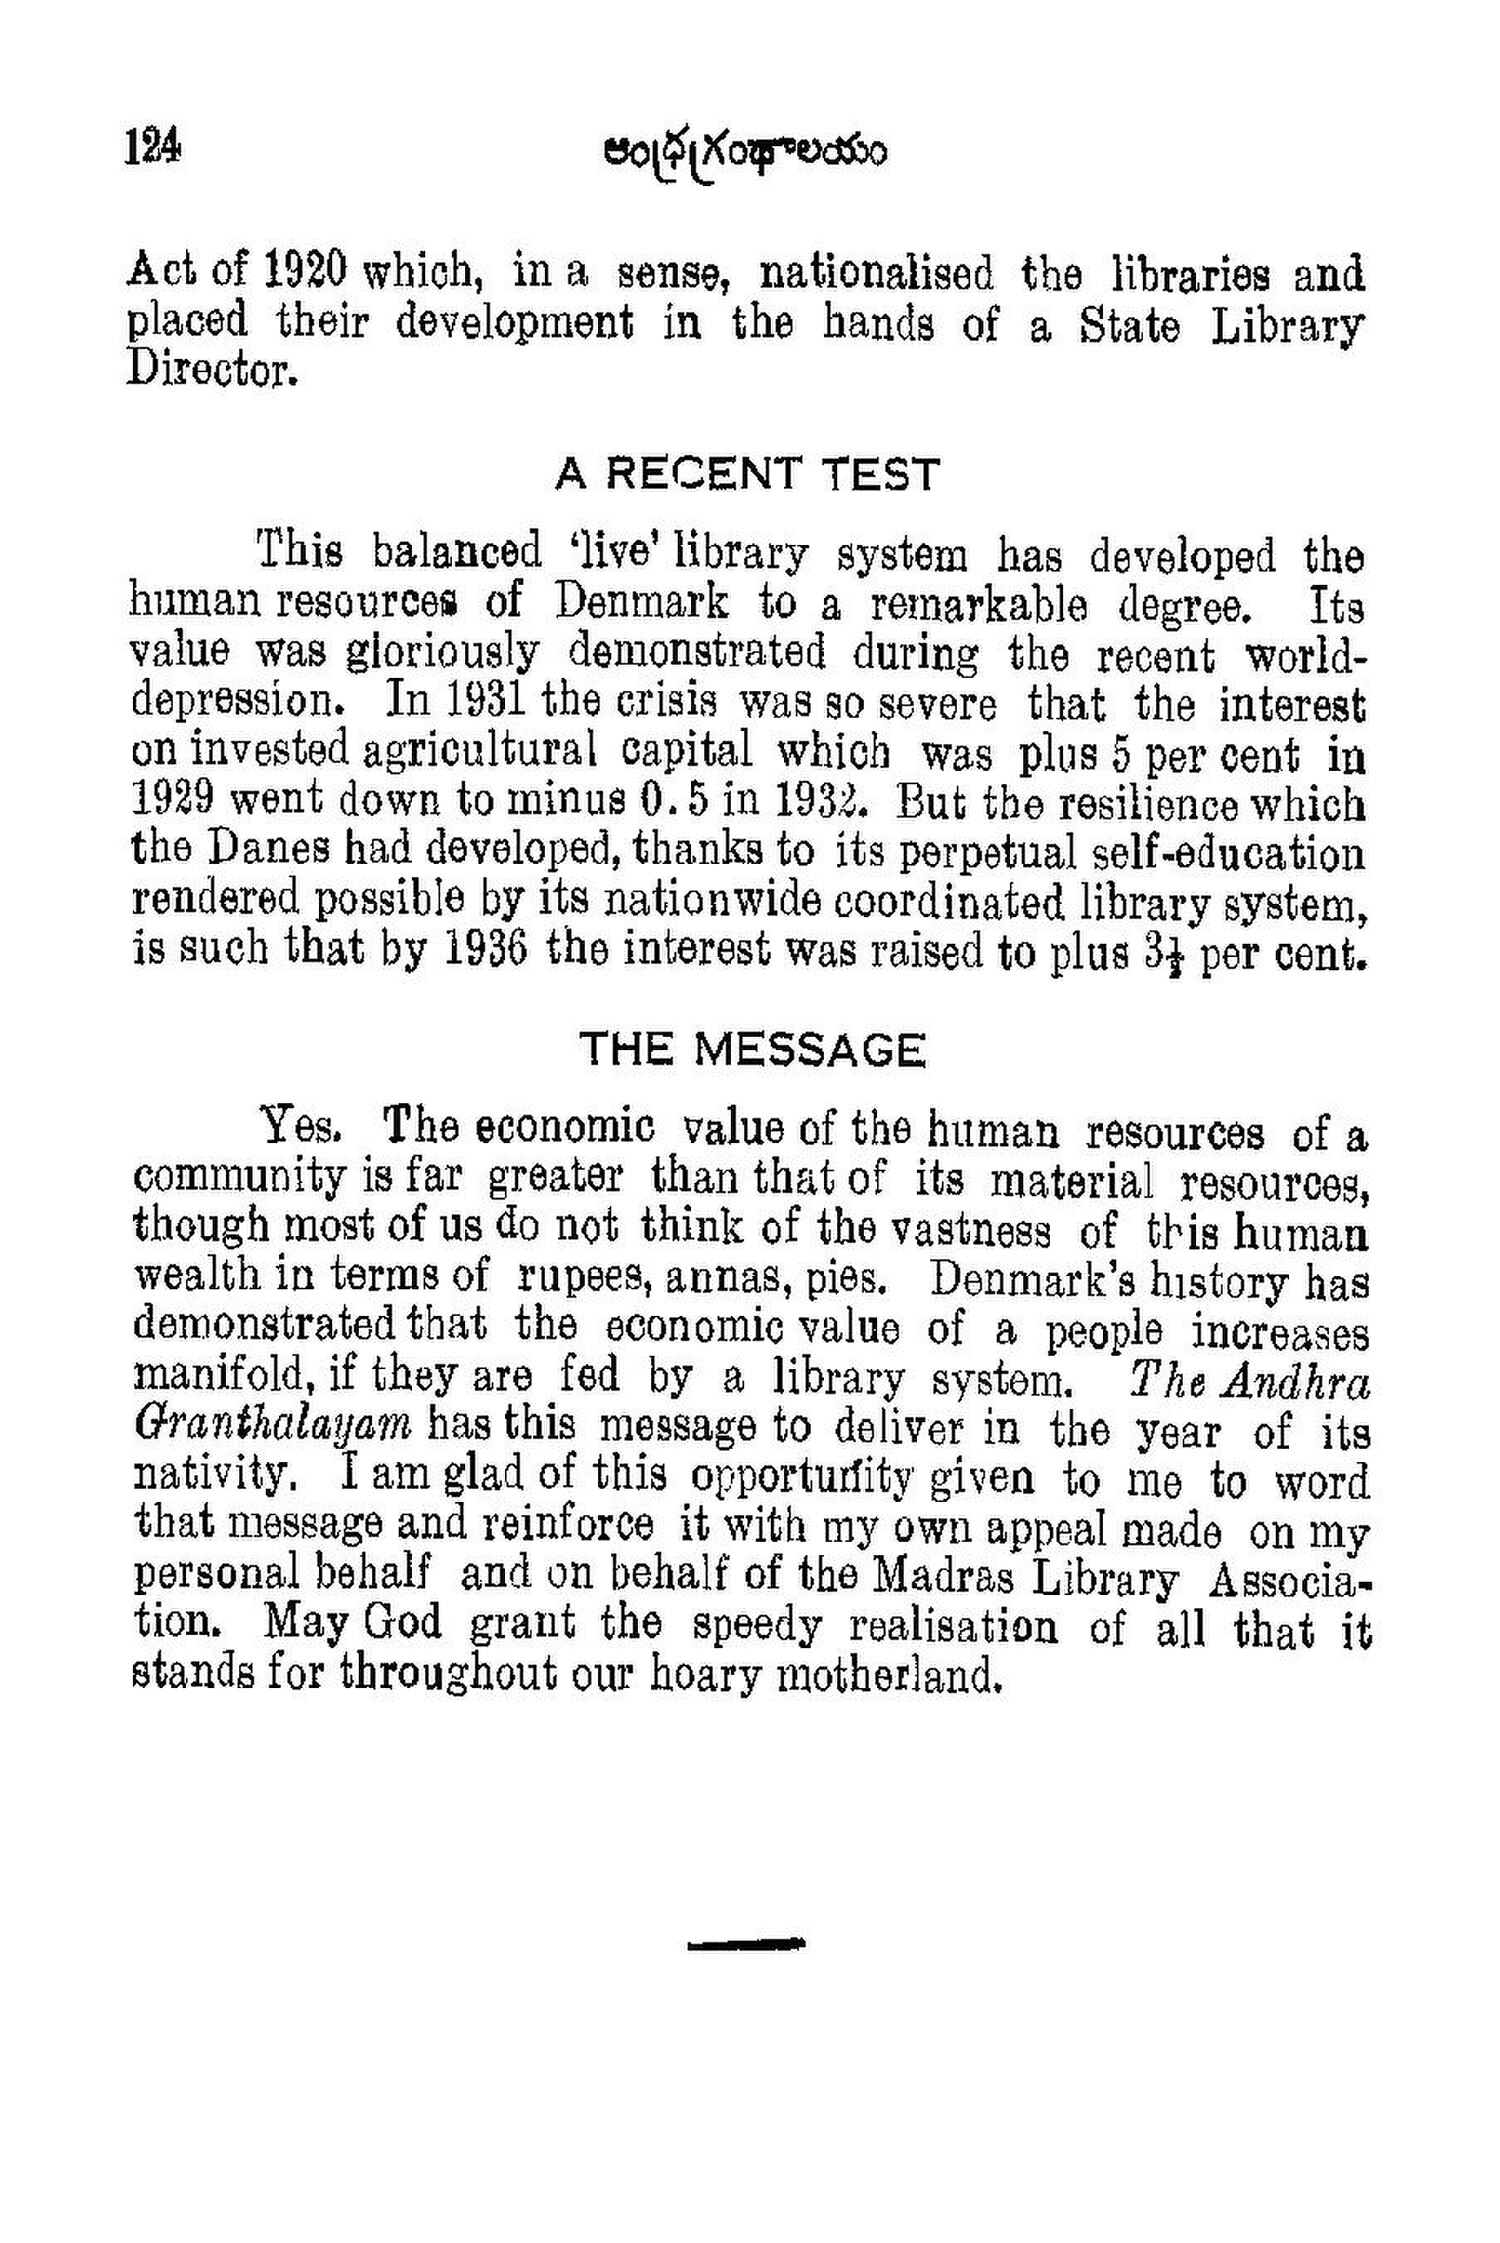Act of 1920 which, in a sense, nationalized the libraries and placed their development in the hands of 
a State Library Director.

This balanced 'live' library system has developed the human resources of Denmark to a remarkable degree. 
Its value was gloriously demonstrated during the recent world-depression. In 1931 the crisis was so severe 
that the interest on invested agricultural capital which was plus 5 per cent in 1929 went down to minus 
0.5 in 1932. But the resilience which the Danes had developed, thanks to its perpetual self-education
rendered possible by its nationwide coordinated library system, is such that by 1936 the interest was 
raised to plus 3 per cent.

Yes. The economic value of the human resources of a community is far greater than that of its material 
resources, though most of us do not think of the vastness of this human wealth in terms of rupees, 
annas, pies. Denmark's history has demonstrated that the economic value of a people increases manifold, 
if they are fed by a library system. The Andhra Granthalayam has this message to deliver in the year of 
its nativity. I am glad of this opportunity given to me to word that message and reinforce it with my 
own appeal made on my personal behalf and on behalf of the Madras Library Association. May God grant 
the speedy realization of all that it stands for throughout our hoary motherland.